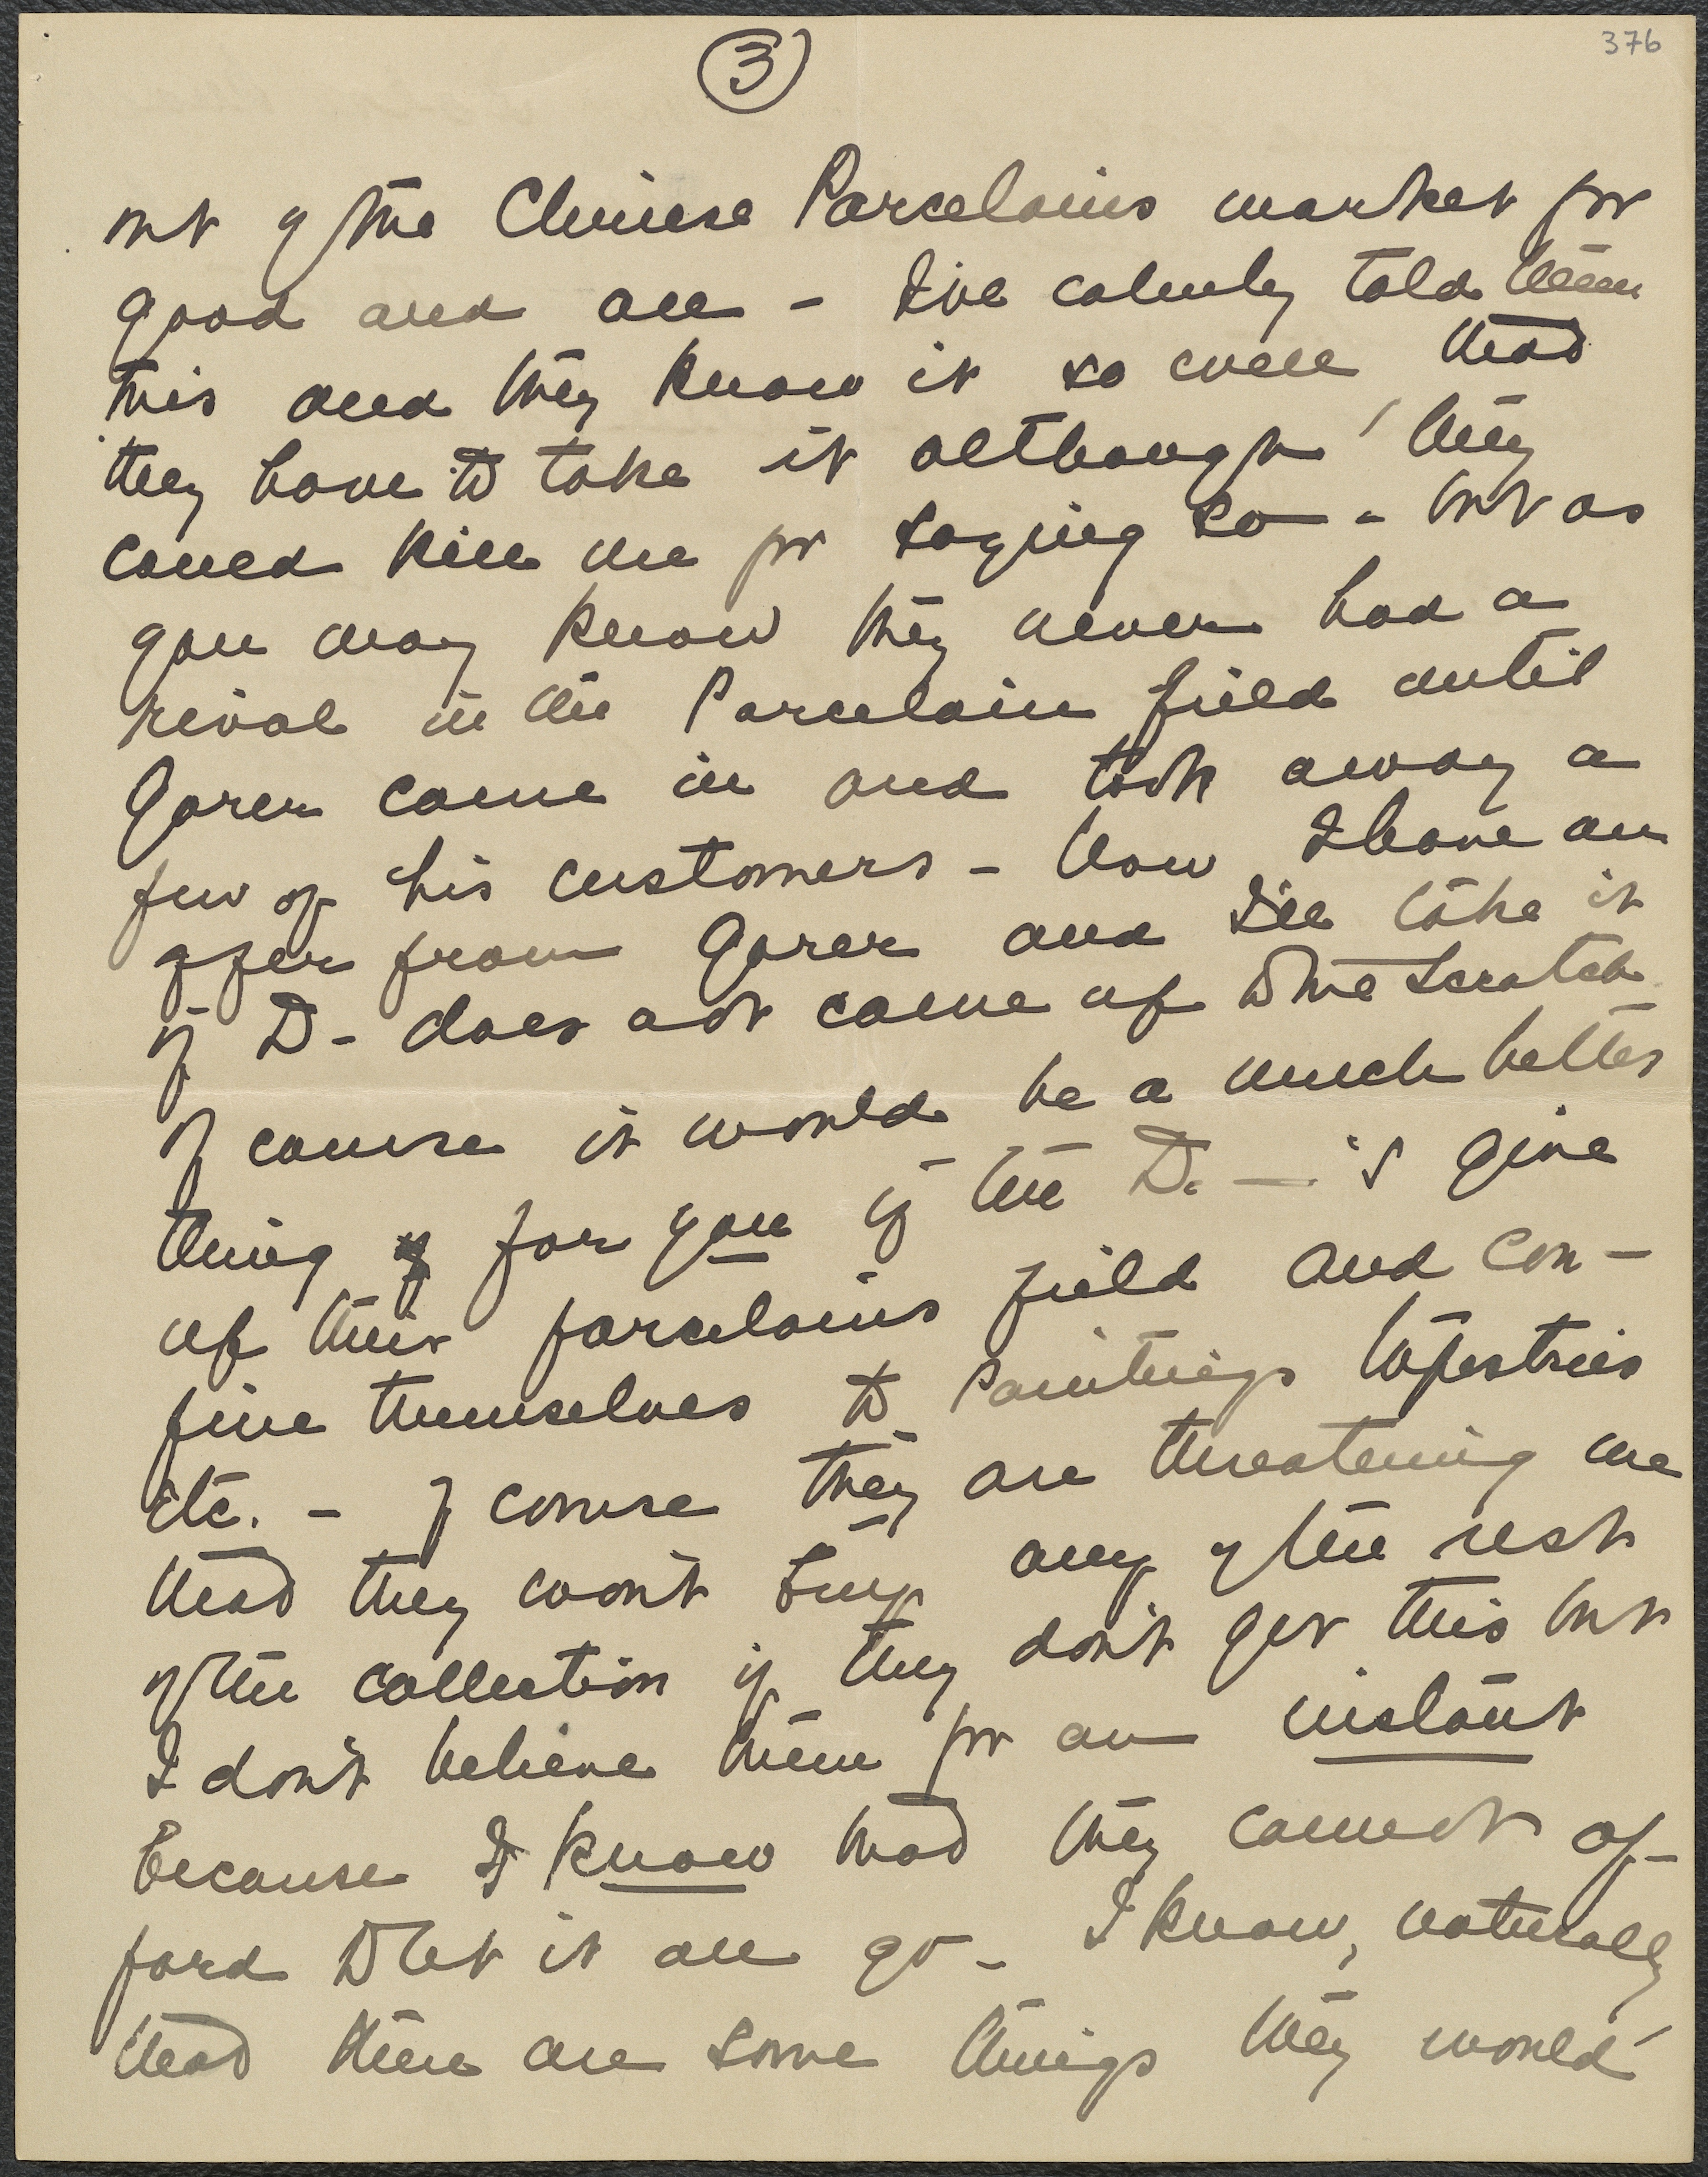[circled: 3]
out of the Chinese Porcelains market for good and all – I’ve calmly told them this and they know it so well that they have to take it although they could kill me for saying so – but as you may know they never had a rival in the Porcelain field until Gorer came in and took away a few of his customers – now I have an offer from Gorer and I’ll take it if D. does not come up to the scratch. of course it would be a much better thing of for you if the D.–’s give up their porcelains field and confine themselves to paintings tapestries etc. – of course they are threatening me that they won’t buy any of the rest of the collection if they don’t get this but I don’t believe them for an instant because I know that they cannot afford to let it all go – I know, naturally, that there are some things they would